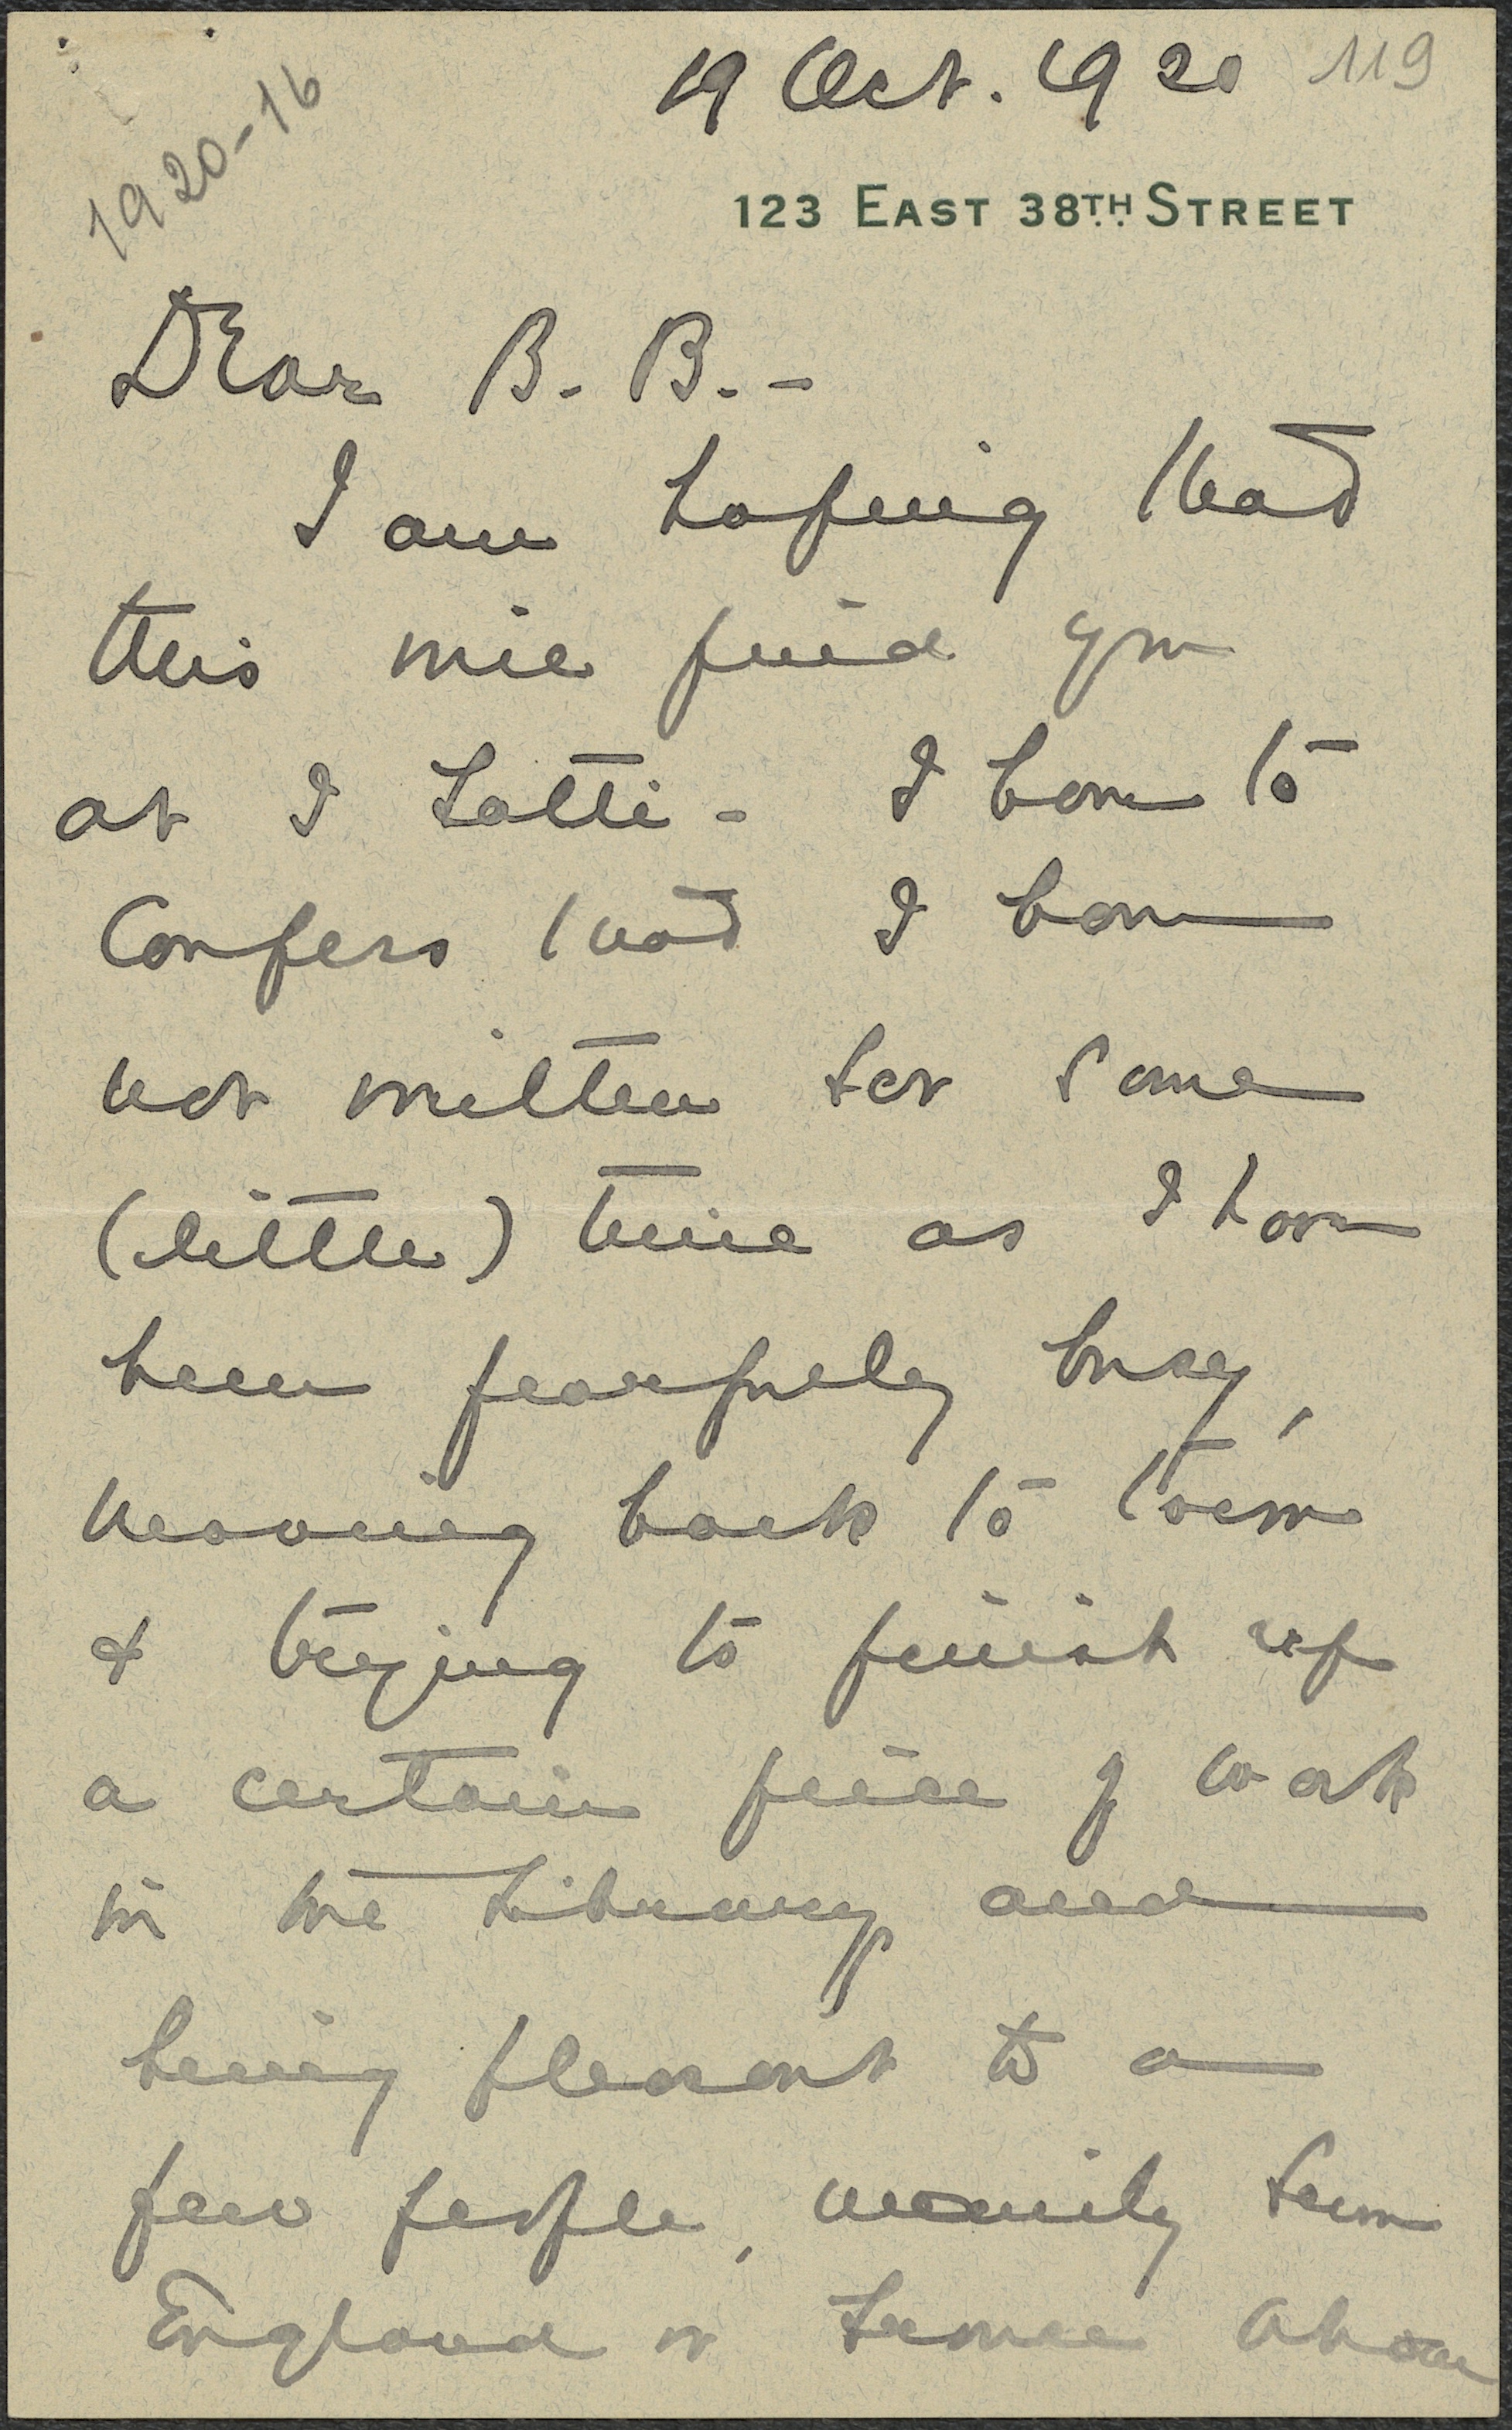19 Oct. 1920
Dear B.B. –
I am hoping that this will find you at I Tatti – I have to confess that I have not written for some (little) time as I have been fearfully busy, moving back to town & trying to finish up a certain piece of work in the Library and being pleasant to a few people, mainly from England & France whom